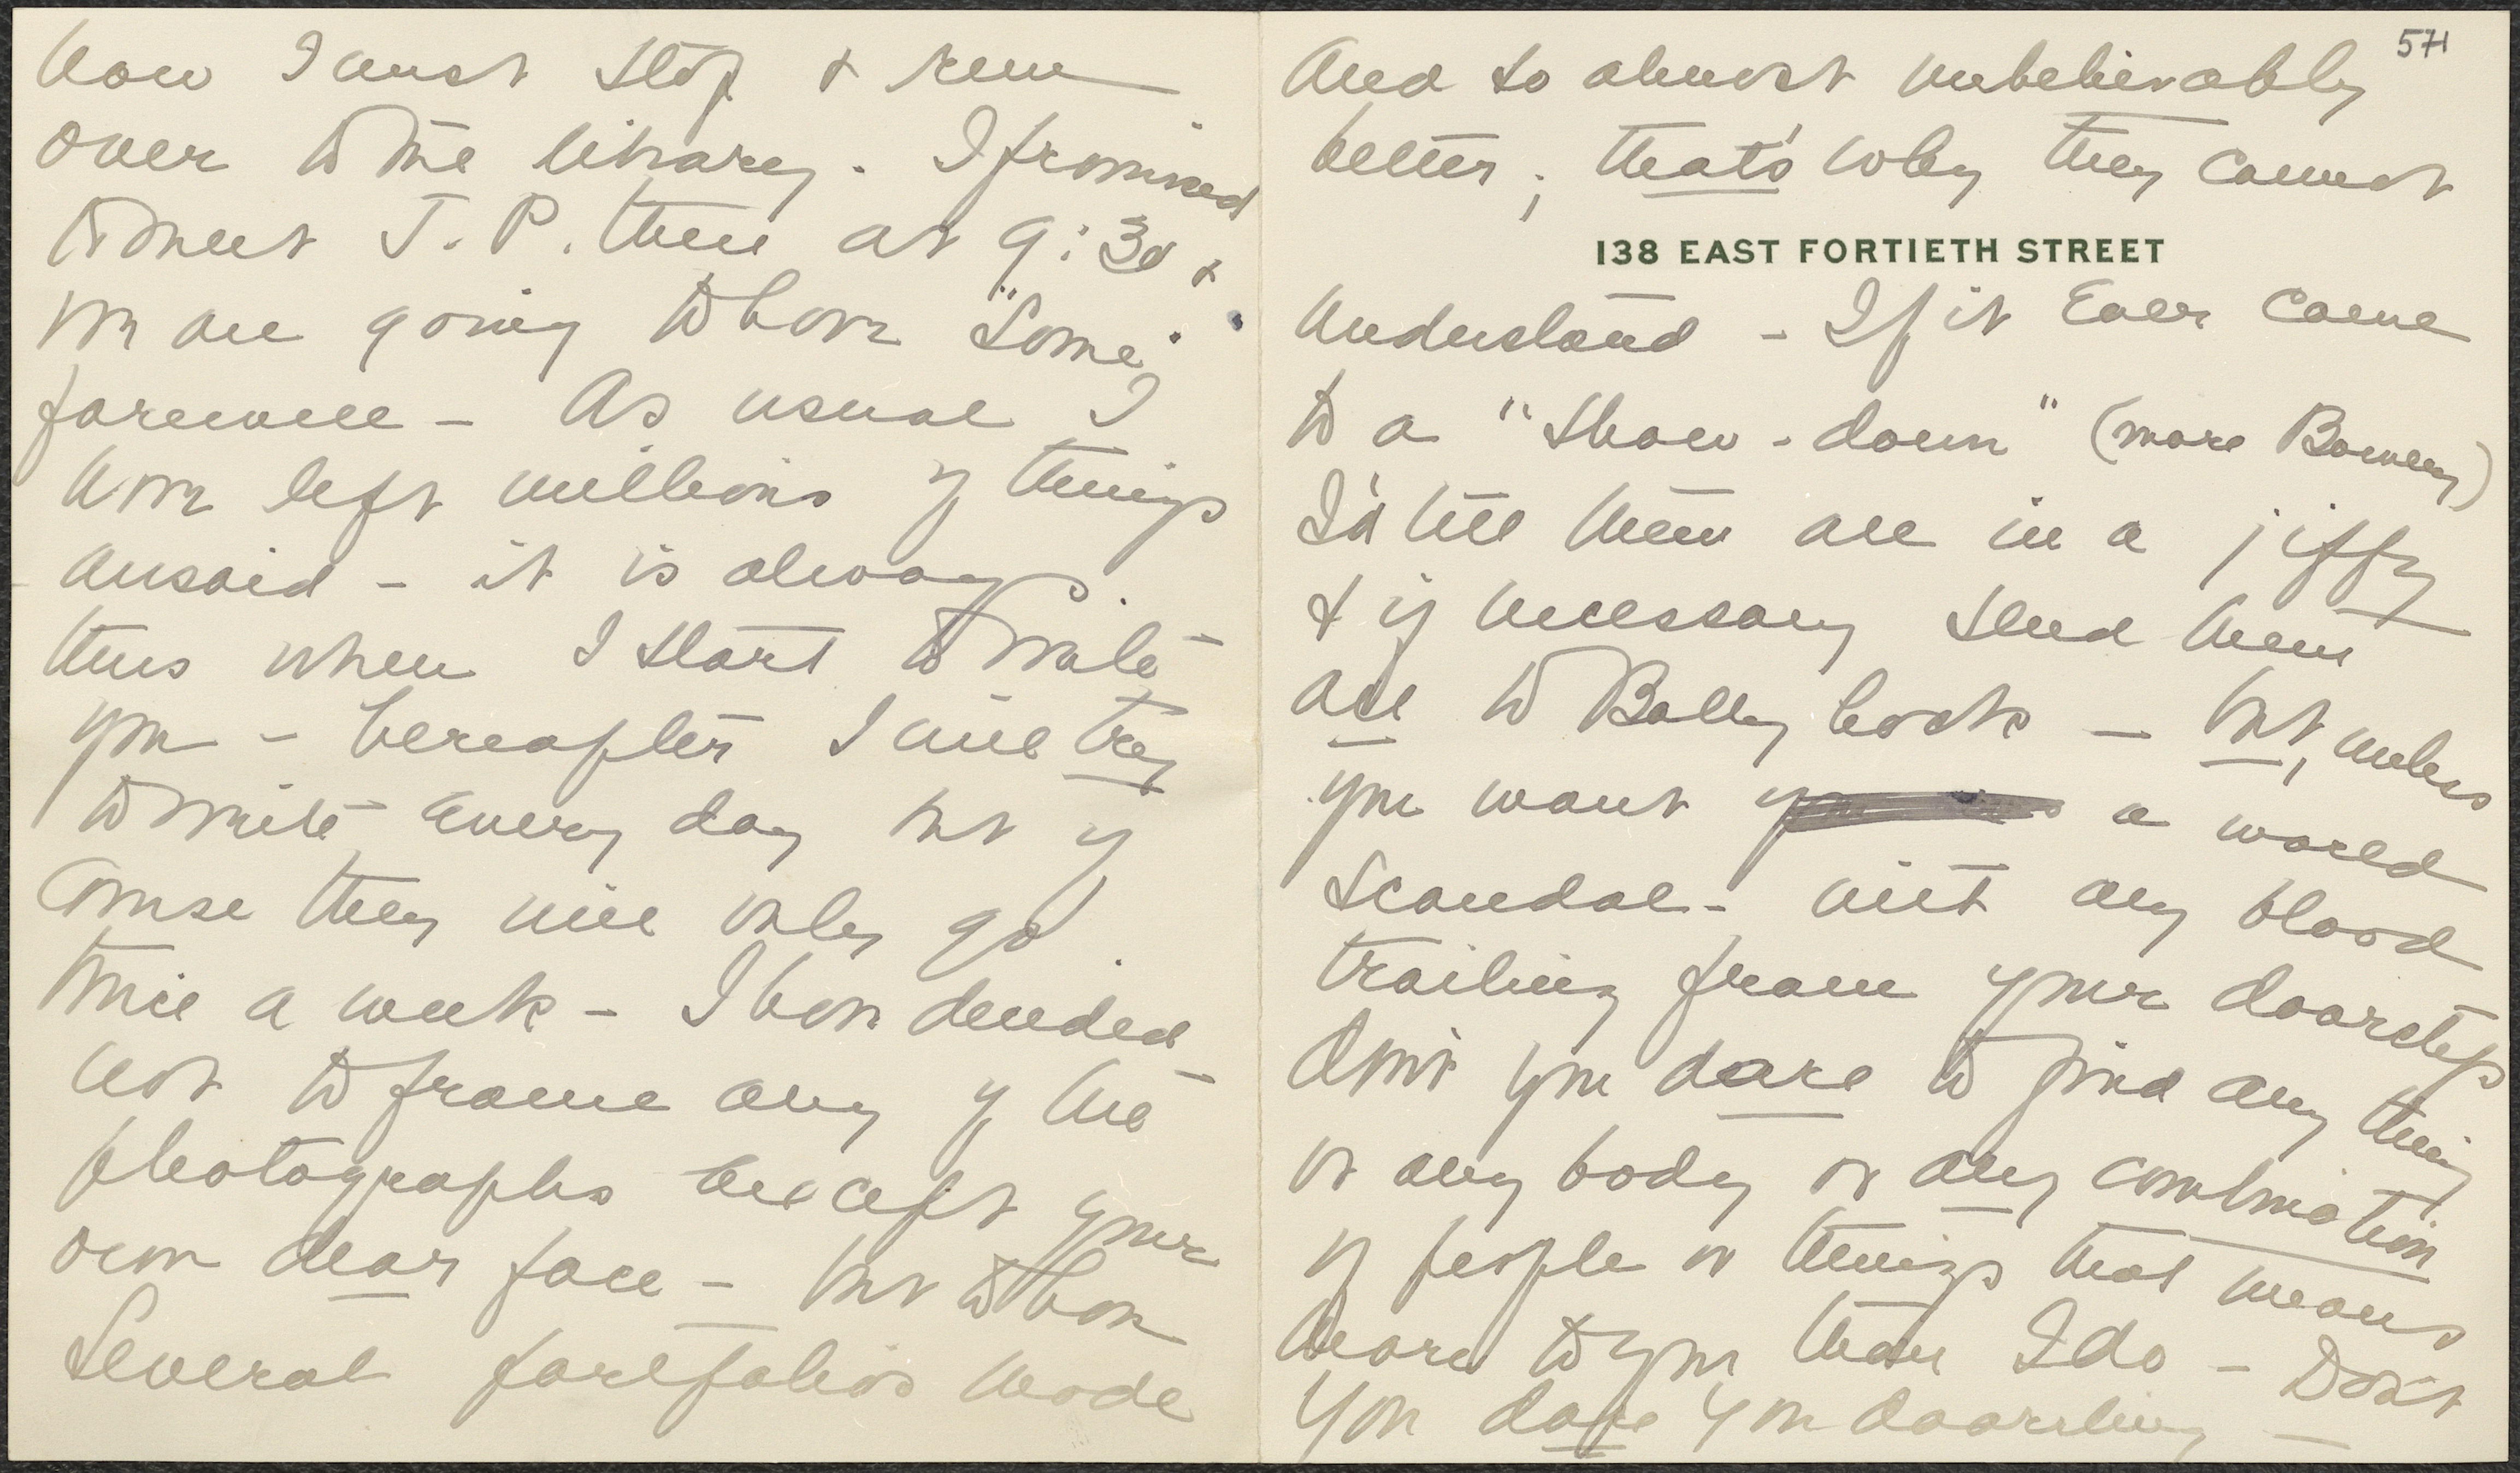and so almost unbelievably better; That’s why they cannot understand – If it ever came to a “show-down” (more Bowery) I’d tell them all in a jiffy & if necessary send them all to Ballyhack – but, unless you want you [illegible deletion] a world scandal – with my blood trailing from your doorstep don’t you dare to find any thing or any body or any combination of people or things that means more to you than I do – Don’t you [double underlined: dare] you daarrling –
Now I must stop & run over to the library. I promised to meet J.P. there at 9:30 & we are going to have “some” farewell – As usual I have left millions of things unsaid – it is always thus when I start to write you – hereafter I will try to write every day but of course they will only go twice a week – I have decided not to frame any of the photographs except your own dear face – but to have several portfolios made